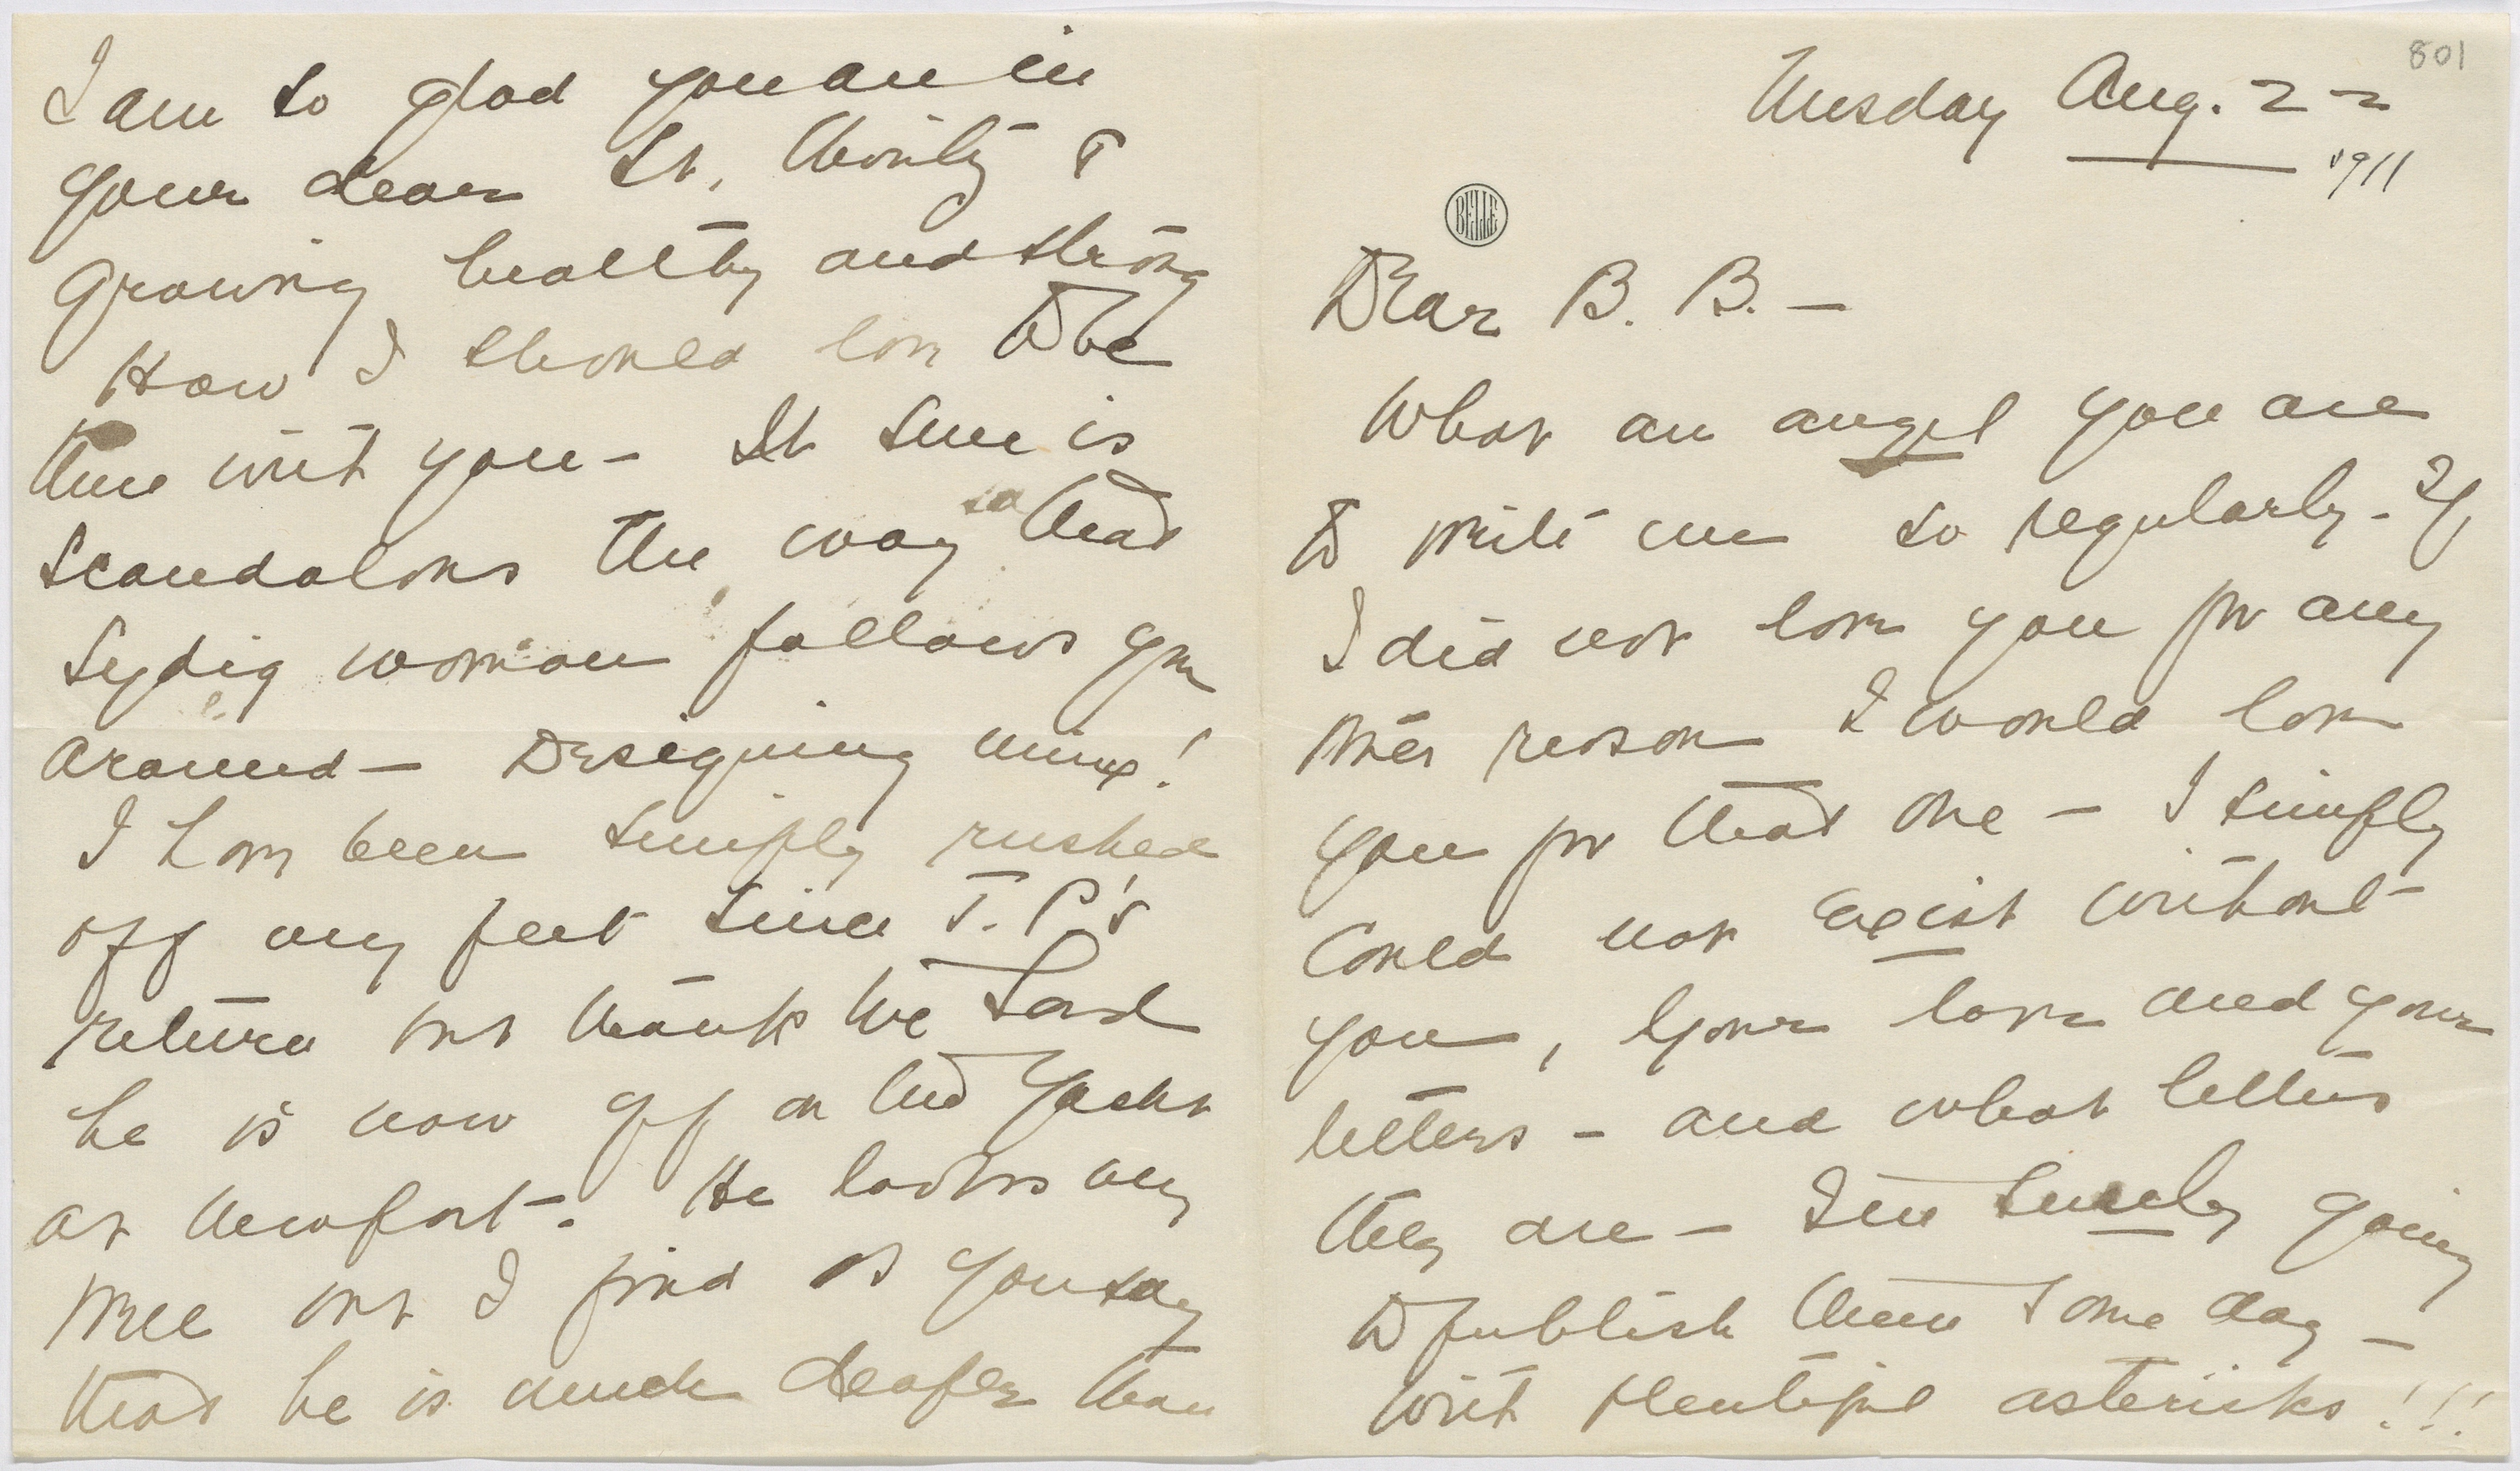Tuesday Aug. 22
Dear B. B. –
What an angel you are to write me so regularly – If I did not love you for any other reason I would love you for that one – I simply could not exist without you, your love and your letters – and what letters they are – I’m surely going to publish them some day – with plentiful asterisks!!!
I am so glad you are in your dear St. Moritz & growing healthy and strong How I should love to be there with you – It sure is scandalous the way that Lydig woman follows you around – Designing minx!
I have been simply rushed off my feet since J. P.’s return but thank the Lord he is now off on the Yacht at Newport. He looks very well out I find as you say that he is much deafer than